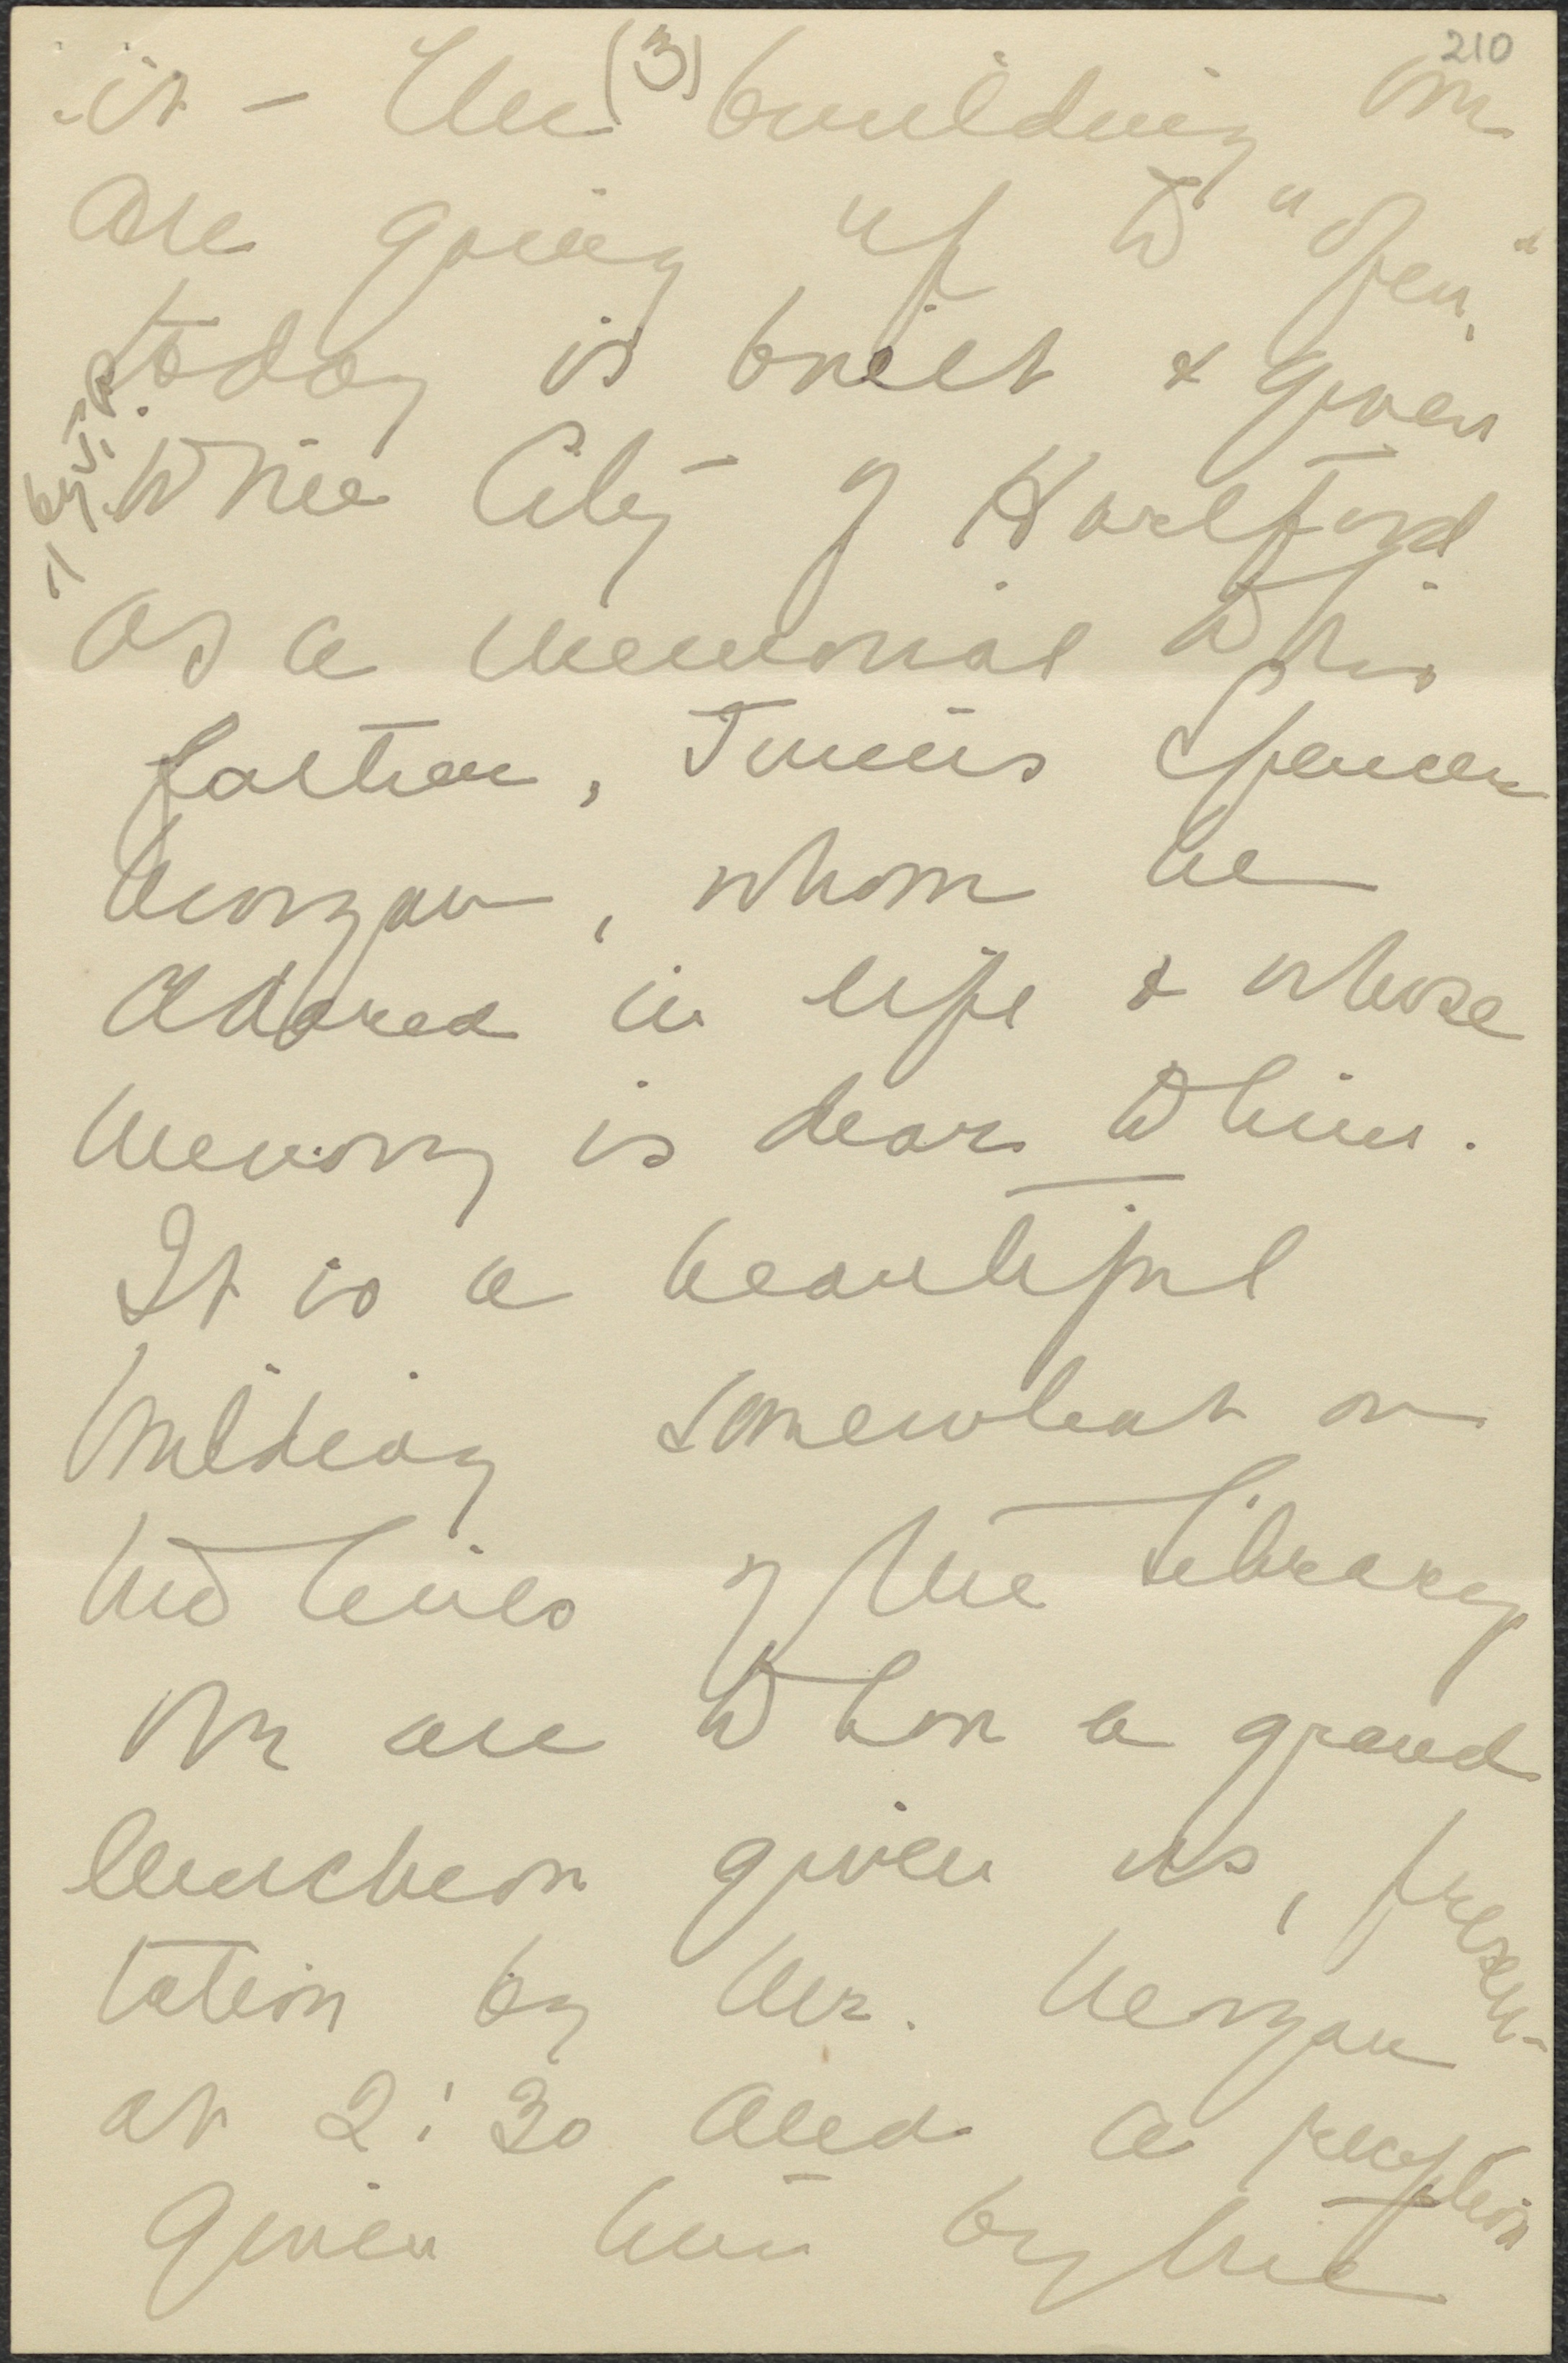(3)
it [sic] – The building we are going up to “open” today is built & given [^by J.P.^] to the City of Hartford as a memorial to his father, Junius Spencer Morgan, whom he adored in life & whose memory is dear to him. It is a beautiful building somewhat on the lines of the Library
We are to have a grand luncheon given us, presentation by Mr. Morgan at 2:30 and a reception given him by the